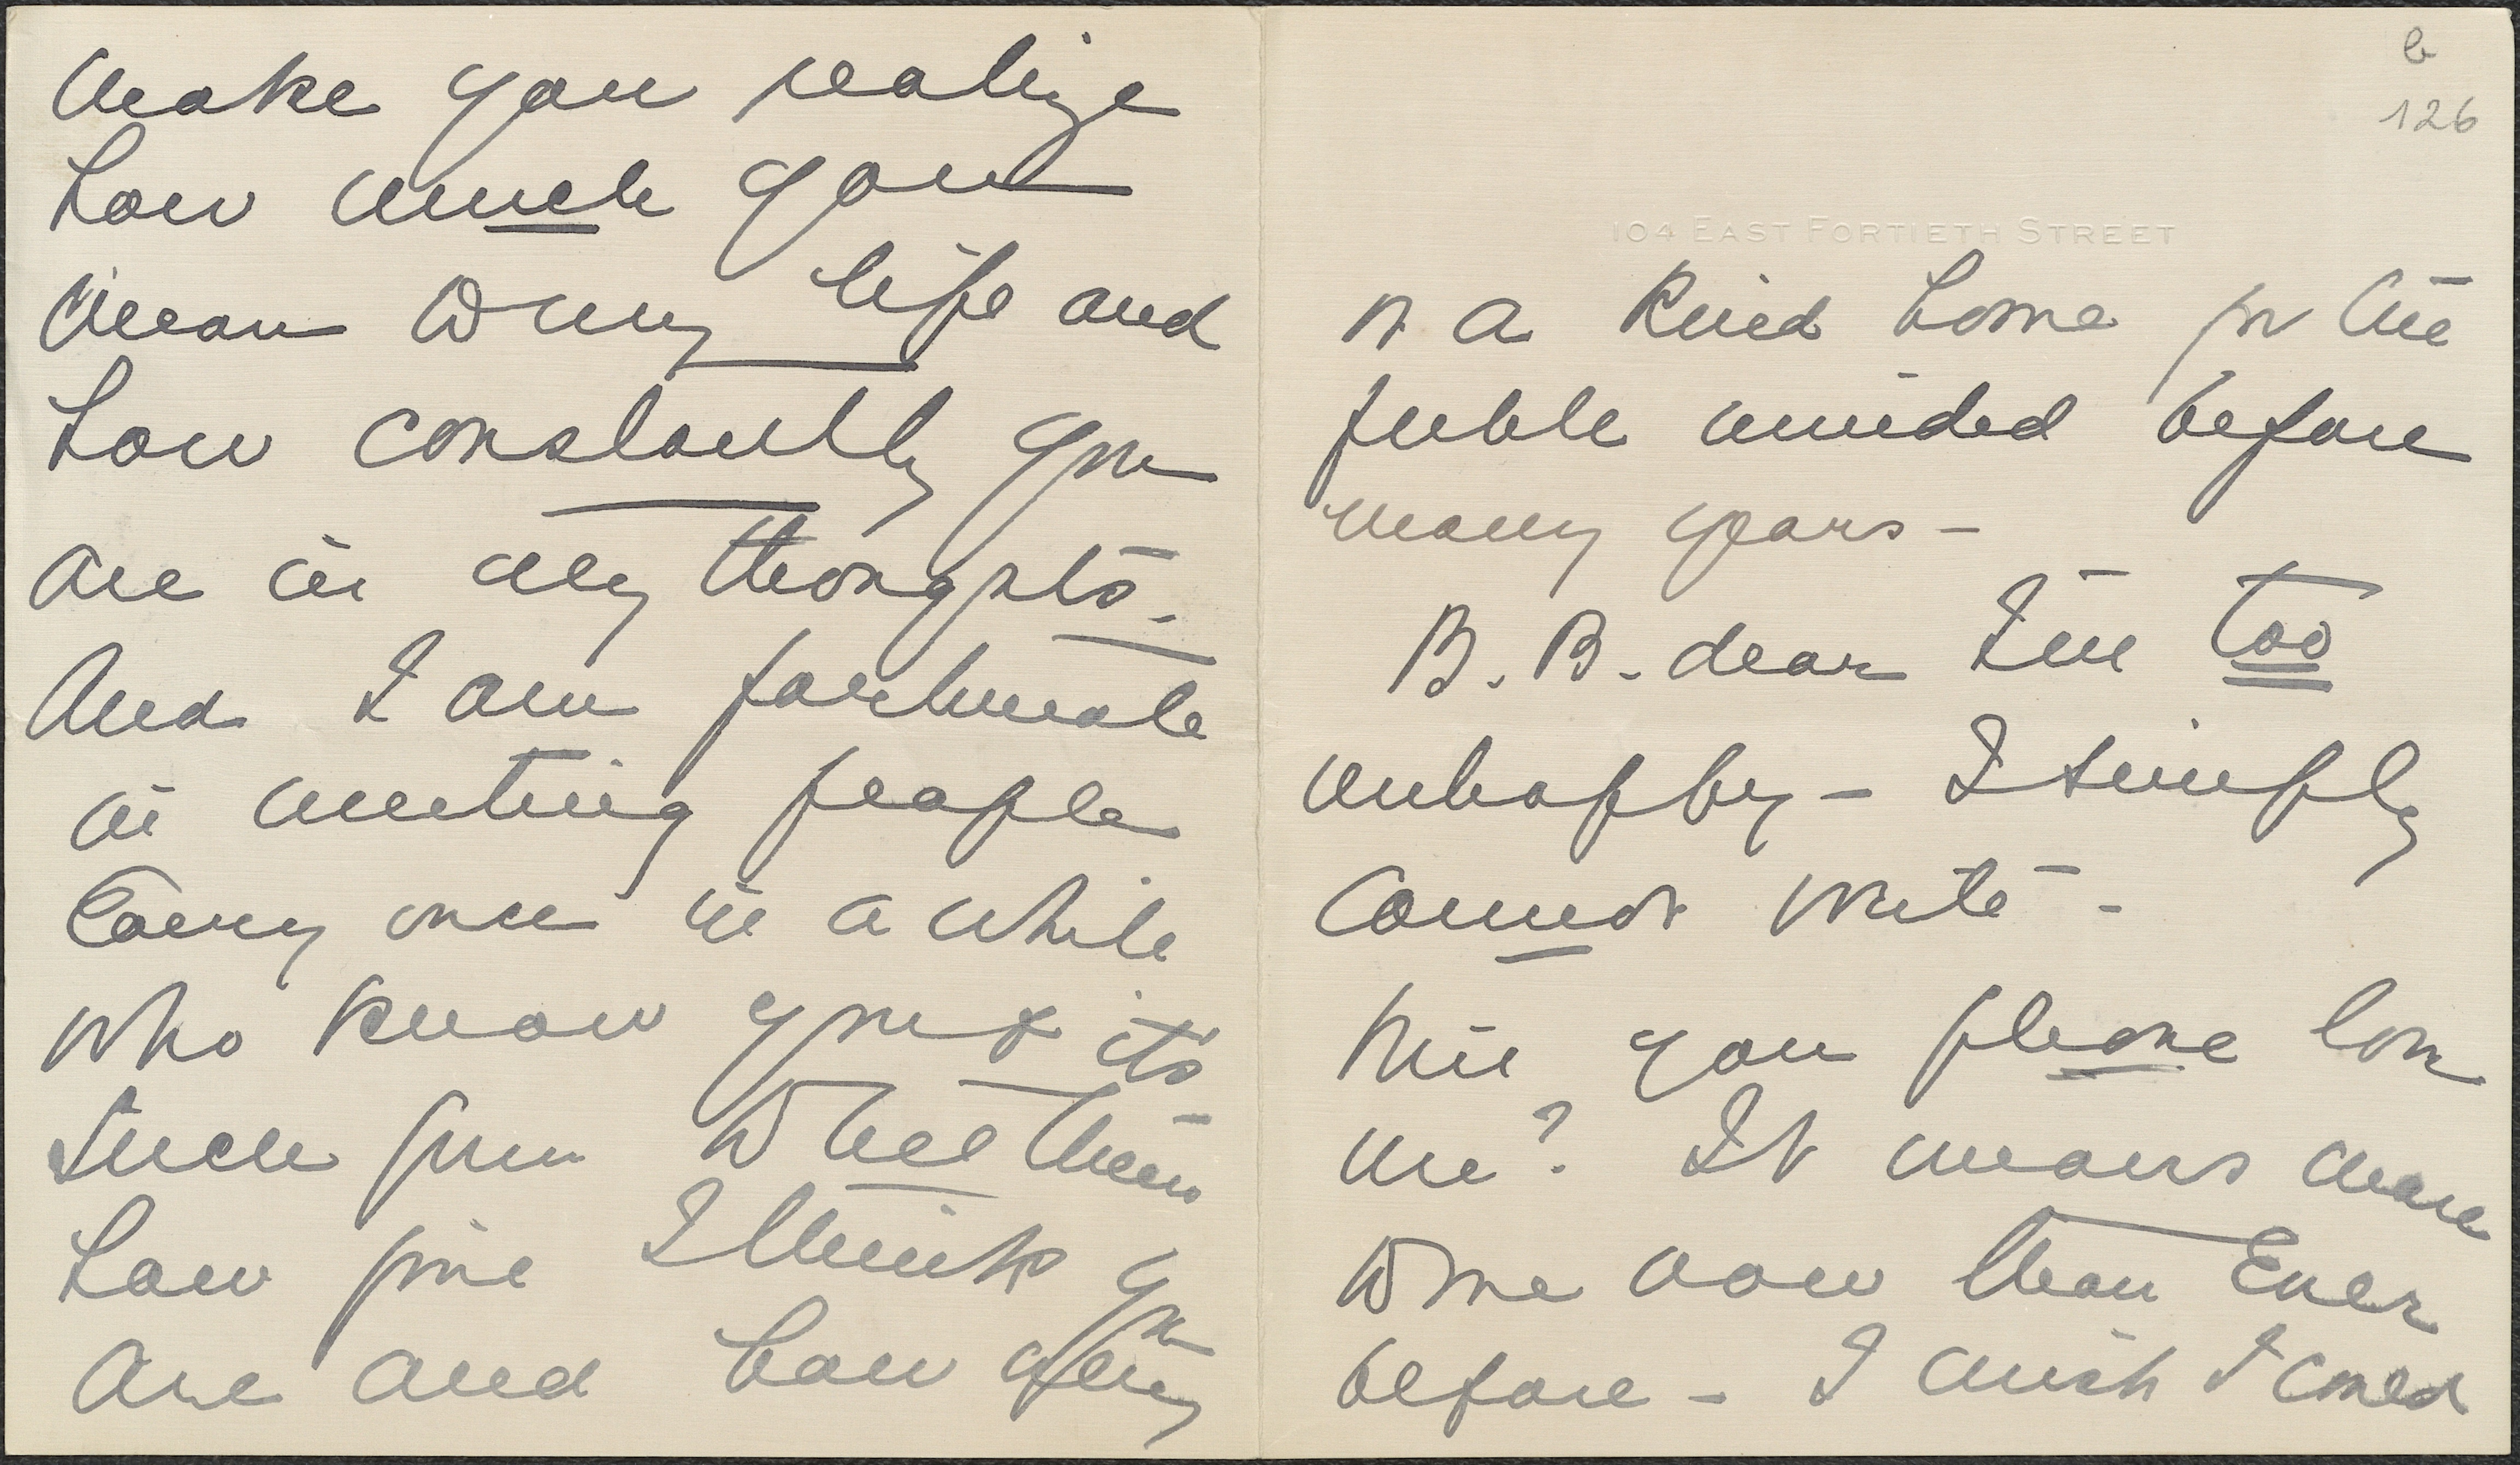as a kind home for the feeble minded before many years –
B. B. dear I’m [double underlined: too] unhappy – I simply cannot write –
Will you please love me? It means more to me than ever before – I wish I could
make you realize how much you mean to my life and how constantly you are in my thoughts. And I am fortunate in meeting people every once in a while who know you & it’s such fun to tell them how fine I think you are and how very